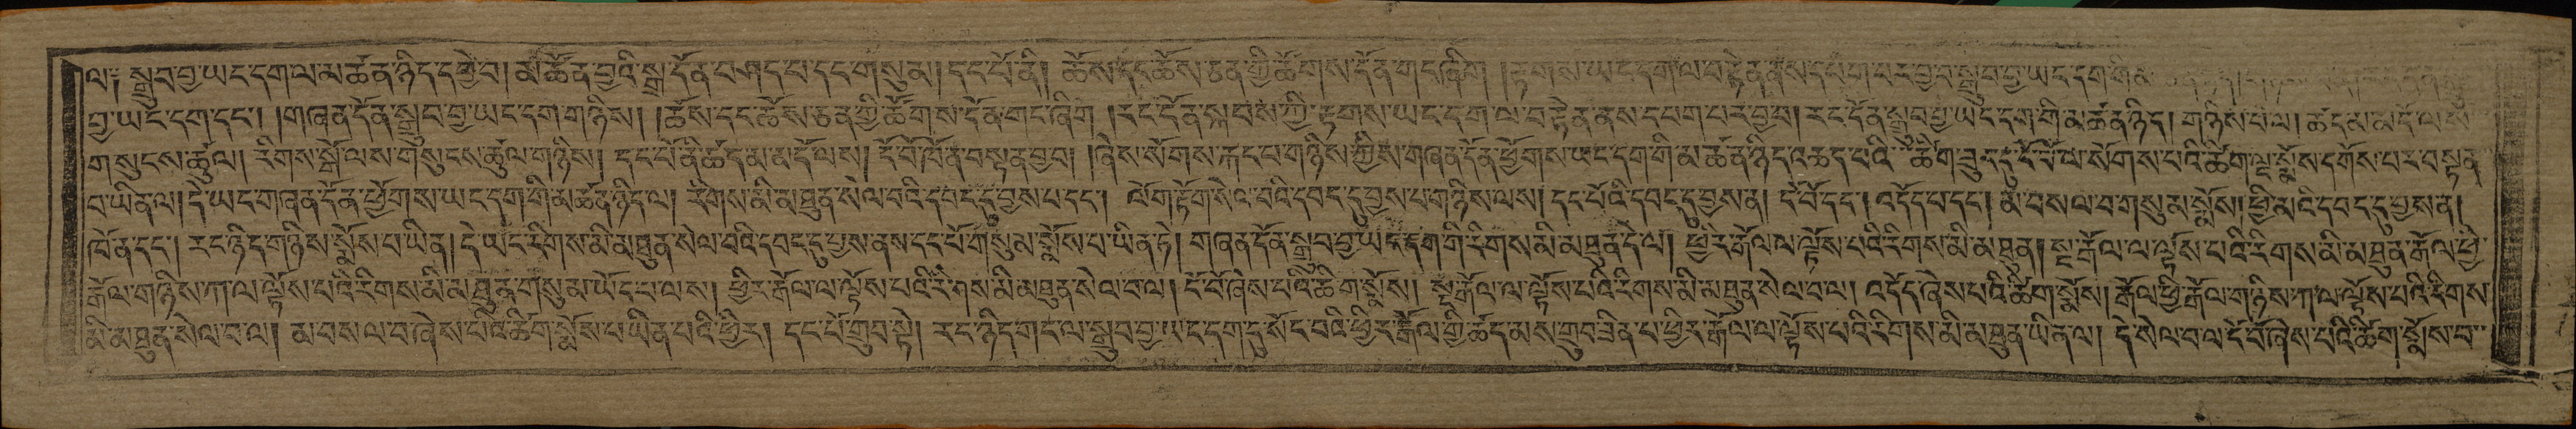ལ༑ སྒྲུབ་བྱ་ཡང་དག་ལ་མཚན་ཉིད་དབྱེ་བ། མཚོན་བྱའི་སྒྲ་དོན་བཤད་པ་དང་གསུམ། དང་པོ་ནི། ཆོས་དང་ཆོས་ཅན་གྱི་ཚོགས་དོན་གང་ཞིག །རྟགས་ཡང་དག་ལ་བརྟེན་ནས་དཔག་བར་བྱ་བ་སྒྲུབ་བྱ་ཡང་དག་གི་མཚན་ཉིད། གཉིས་པ་ནི། རང་དོན་སྒྲུབ་
བྱ་ཡང་དག་དང་། །གཞན་དོན་སྒྲུབ་བྱ་ཡང་དག་གཉིས། །ཆོས་དང་ཆོས་ཅན་གྱི་ཚོགས་དོན་གང་ཞིག །རང་དོན་སྐབས་ཀྱི་རྟགས་ཡང་དག་ལ་བརྟེན་ནས་དཔག་པར་བྱ་བ། རང་དོན་སྒྲུབ་བྱ་ཡང་དག་གི་མཚན་ཉིད། གཉིས་པ་ལ། ཚད་མ་མདོ་ལས་
གསུངས་ཚུལ། རིགས་སྒོ་ལས་གསུངས་ཚུལ་གཉིས། དང་པོ་ནི་ཚད་མ་མདོ་ལས། ངོ་བོ་ཁོ་ན་བསྟན་བྱ་བ། །ཞེས་སོགས་རྐང་པ་གཉིས་ཀྱིས་གཞན་དོན་ཕྱོགས་ཡང་དག་གི་མཚན་ཉིད་འཆད་པའི་ཚིག་ཟུར་དུ་ངོ་བོ་ལ་སོགས་པའི་ཚིག་ལྔ་སྨོས་དགོས་པར་བསྟན་
བ་ཡིན་ལ། དེ་ཡང་གཞན་དོན་ཕྱོགས་ཡང་དག་གི་མཚན་ཉིད་ལ། རིགས་མི་མཐུན་སེལ་བའི་དབང་དུ་བྱས་པ་དང་། ལོག་རྟོག་སེལ་བའི་དབང་དུ་བྱས་པ་གཉིས་ལས། དང་པོའི་དབང་དུ་བྱས་ན། ངོ་བོ་དང་། འདོད་པ་དང་། མ་བསལ་བ་གསུམ་སྨོས། ཕྱི་མའི་དབང་དུ་བྱས་ན།
ཁོ་ན་དང་། རང་ཉིད་གཉིས་སྨོས་པ་ཡིན། དེ་ཡང་རིགས་མི་མཐུན་སེལ་བའི་དབང་དུ་བྱས་ནས་དང་པོ་གསུམ་སྨོས་པ་ཡིན་ཏེ། གཞན་དོན་སྒྲུབ་བྱ་ཡང་དག་གི་རིགས་མི་མཐུན་དེ་ལ། ཕྱིར་རྒོལ་ལ་ལྟོས་པའི་རིགས་མི་མཐུན། སྔ་རྒོལ་ལ་ལྟོས་པའི་རིགས་མི་མཐུན་རྒོལ་ཕྱི་
རྒོལ་གཉིས་ཀ་ལ་ལྟོས་པའི་རིགས་མི་མཐུན་གསུམ་ཡོད་པ་ལས། ཕྱིར་རྒོལ་ལ་ལྟོས་པའི་རིགས་མི་མཐུན་སེལ་བ་ལ། ངོ་བོ་ཞེས་པའི་ཚིག་སྨོས། སྔ་རྒོལ་ལ་ལྟོས་པའི་རིགས་མི་མཐུན་སེལ་བ་ལ། འདོད་ཞེས་པའི་ཚིག་སྨོས། རྒོལ་ཕྱི་རྒོལ་གཉིས་ཀ་ལ་ལྟོས་པའི་རིགས་
མི་མཐུན་སེལ་བ་ལ། མ་བསལ་བ་ཞེས་པའི་ཚིག་སྨོས་པ་ཡིན་པའི་ཕྱིར། དང་པོ་གྲུབ་སྟེ། རང་ཉིད་གང་ལ་སྒྲུབ་བྱ་ཡང་དག་དུ་སོང་བའི་ཕྱིར་རྒོལ་གྱི་ཚད་མས་གྲུབ་ཟིན་པ་ཕྱིར་རྒོལ་ལ་ལྟོས་པའི་རིགས་མི་མཐུན་ཡིན་ལ། དེ་སེལ་བ་ལ་ངོ་བོ་ཞེས་པའི་ཚིག་སྨོས་པ་